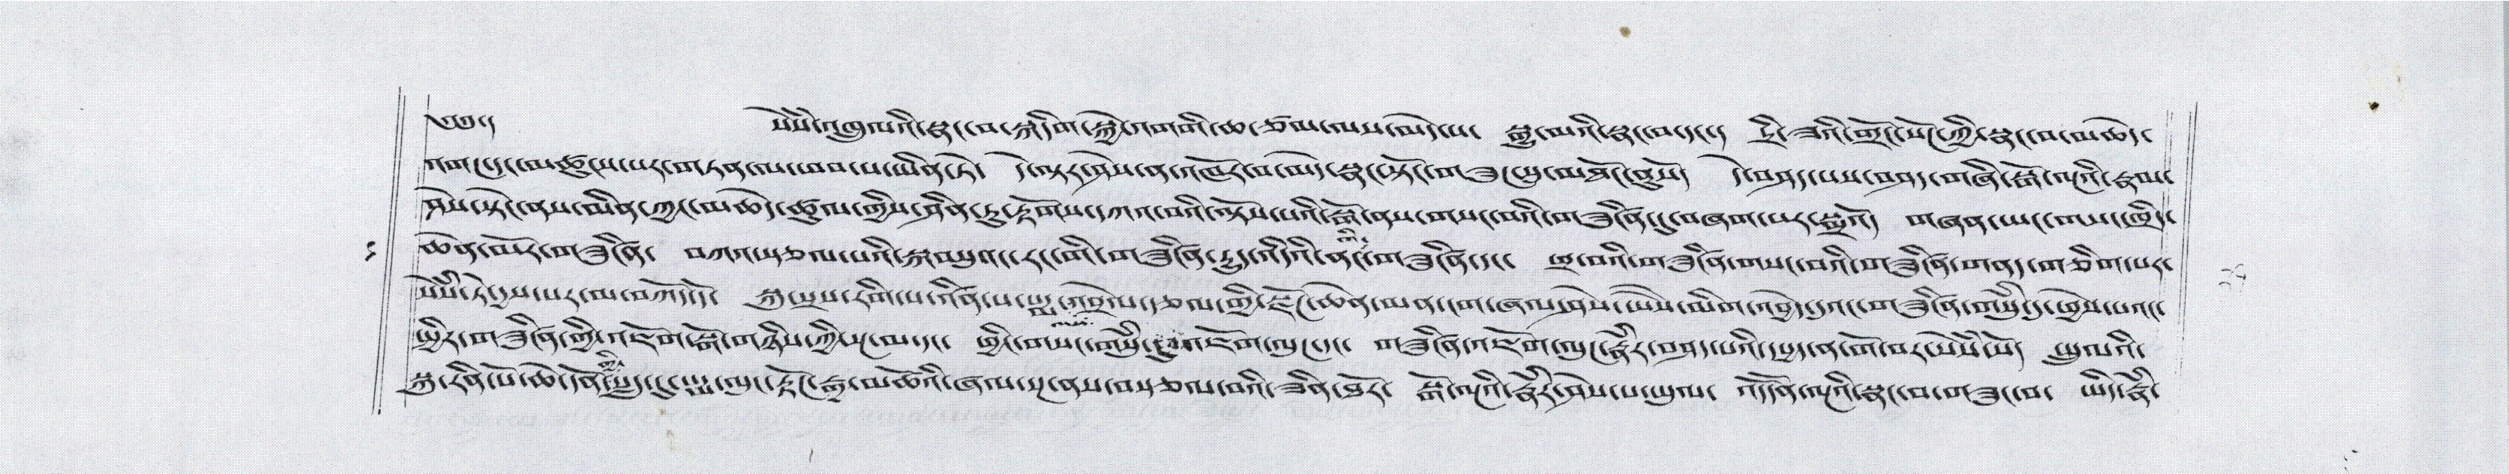སེམས་འཁྲུལ་པའི་སྣང་བ་སྐད་ཅིག་སྐྱེ་འགག་གི་ཆ་ཙམ་ལས་མེད་པ་སྒྱུ་མའི་སྣང་བ་དང་། དྲི་ཟའི་གྲོང་སོགས་ཀྱི་སྣང་བ་མཆེད་
འགག་དང་མཚུངས་པར་གཏན་ལ་ཕབ་པ་ཡིན་ཏེ། དེ་ལྟར་ཤེས་ན་འཁོར་བ་མེད་སྣང་སྟོང་གཟུགས་སུ་མཐོང་ནུས་སོ། དེ་བཤད་པས་བཤད་གཞི་སྒོ་ལྔའི་རྣམ་
ཤེས་སྟེང་ནས་མིན་ཀྱང་མཆེད་ཚུལ་གྱིས་ཤིན་ཏུ་རྟོགས་དཀའ་བའི་ལྟོས་པའི་སྒོ་ནས་གསང་བའི་གཟུང་འཛིན་དུ་བཞག་པར་སྨྲའོ། གཞན་ཡང་གསང་ཁྲིད་
ཆེན་མོར་གཟུང་འཛིན། བཀའ་སྩལ་པའི་སྐབས་སུའང་གཟུང་འཛིན་རྒྱུད་འདིའི་ནང་གི་གཟུང་འཛིན་དང་། ཕྲ་བའི་གཟུང་འཛིན་གསང་བའི་གཟུང་འཛིན་གནད་གཅིག་པར་
སེམས་ཏེ་རྒྱས་པར་མ་བཀོད་དོ། སྐུ་སྲས་རིག་པ་འཛིན་པ་པདྨ་ལས་འབྲེལ་རྩལ་གྱི་རྫོགས་ཆེན་མན་ངག་ཞལ་ཤེས་ཡེ་ཤེས་མིག་འབྱེད་དུའང་གཟུང་འཛིན་གསུམ་དུ་ཕྱེས་པའང་། 
སྤྱིར་གཟུང་འཛིན་གྱི་འཇོག་སྒོ་གཉིས་ཀྱི་སྔ་མ་དང་། ཕྱི་ནང་གསང་གསུམ་དུ་འཇོག་ལུགས་དང་། གཟུང་འཛིན་འཇོག་ལུགས་རྣམ་པར་བཤད་པའི་དཔྱད་ན་གོ་བར་སེམས་སོ། སྤྲུལ་པའི་
སྐུ་རིན་པོ་ཆེ་དོན་གྱི་སླད་དུ་པདྨ་ལུང་རྟོགས་རྒྱ་མཚོའི་ཞལ་སྔ་ནས་བསྩལ་པའི་ཟིན་ཐོར། སྒོ་ལྔའི་རྣམ་པར་ཤེས་པ་ཡུལ། འདོད་ཡོན་ལྔའི་སྣང་བ་གཟུང་བ། ཡིད་རྣམ་